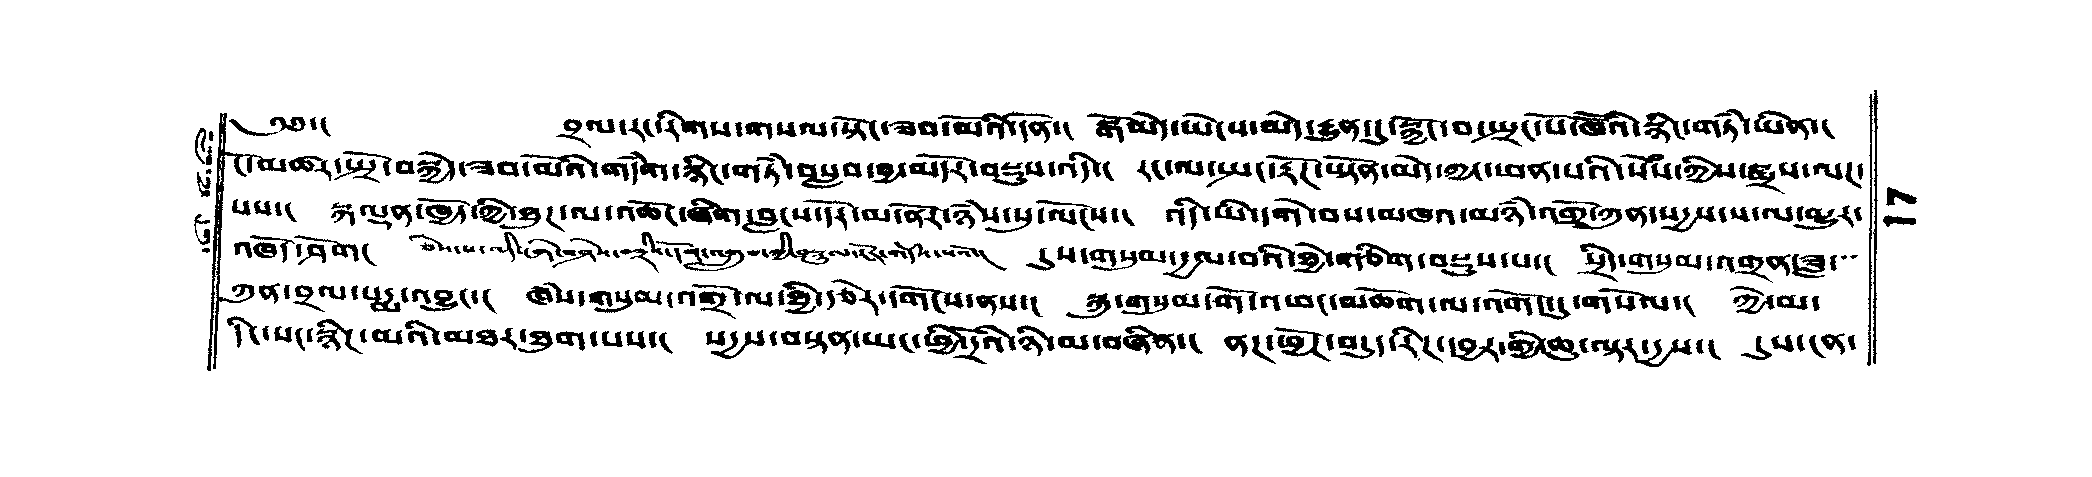བྲལ་རང་རིག་གསལ་སྟོང་ཟབ་མོའི་ཆོས། །སྒོམ་མེད་ཡེངས་མེད་རྒྱུན་དུ་སྐྱོང་བ་སྤྲང་པོ་ཁོ་བོའི་སྙིང་གཏམ་ཡིན། །
ངོ་མཚར་སྤྲོ་བསྐྱེད་ཟབ་མོའི་གདམས་ངག་སྙིང་གཏམ་བསླབ་བྱ་མདོར་བསྡུས་འདི། །རང་ལ་སྤངས་རྟོགས་ཡོན་ཏན་མེད་ཀྱང་ཕན་པའི་སེམས་ཀྱིས་སྨྲས་ལགས་
པས། །སྐལ་ལྡན་ཁྱོད་ཀྱི་ཐུགས་ལ་འཆོངས་ཤིག་བླང་དོར་མ་ནོར་ཉམས་སུ་ལོངས། །འདི་ཡིས་དགེ་བས་མཁའ་མཉམ་འགྲོ་ཀུན་སངས་རྒྱས་ས་ལ་མྱུར་
འཁོད་ཤོག ཅེས་པ་འདི་དགེ་བཤེས་བཀྲ་ཤིས་དོན་གྲུབ་ཀྱི་བསྐུལ་ངོར་གདམས་པའོ།། དུས་གསུམ་རྒྱལ་བའི་ཐུགས་རྗེ་གཅིག་བསྡུས་པ། །སྲིད་གསུམ་འགྲན་ཟླ་
ཀུན་བྲལ་པདྨ་འབྱུང་། །ཁམས་གསུམ་འགྲོ་ལ་ཐུགས་རྗེ་བརྩེར་དགོངས་ནས། །སྐུ་གསུམ་གོ་འཕང་མཆོག་ལ་འགོད་དུ་གསོལ། །ཀྱེ་མ་
དིང་སང་སྙིགས་མའི་མཐར་ཐུག་པས། །སངས་རྒྱས་བསྟན་ཡང་ཕྱི་དྲོའི་ཉི་མ་བཞིན། །ནག་ཕྱོགས་བདུད་རིགས་དབྱར་གྱི་ཆུ་ལྟར་རྒྱས། །དུས་ངན་